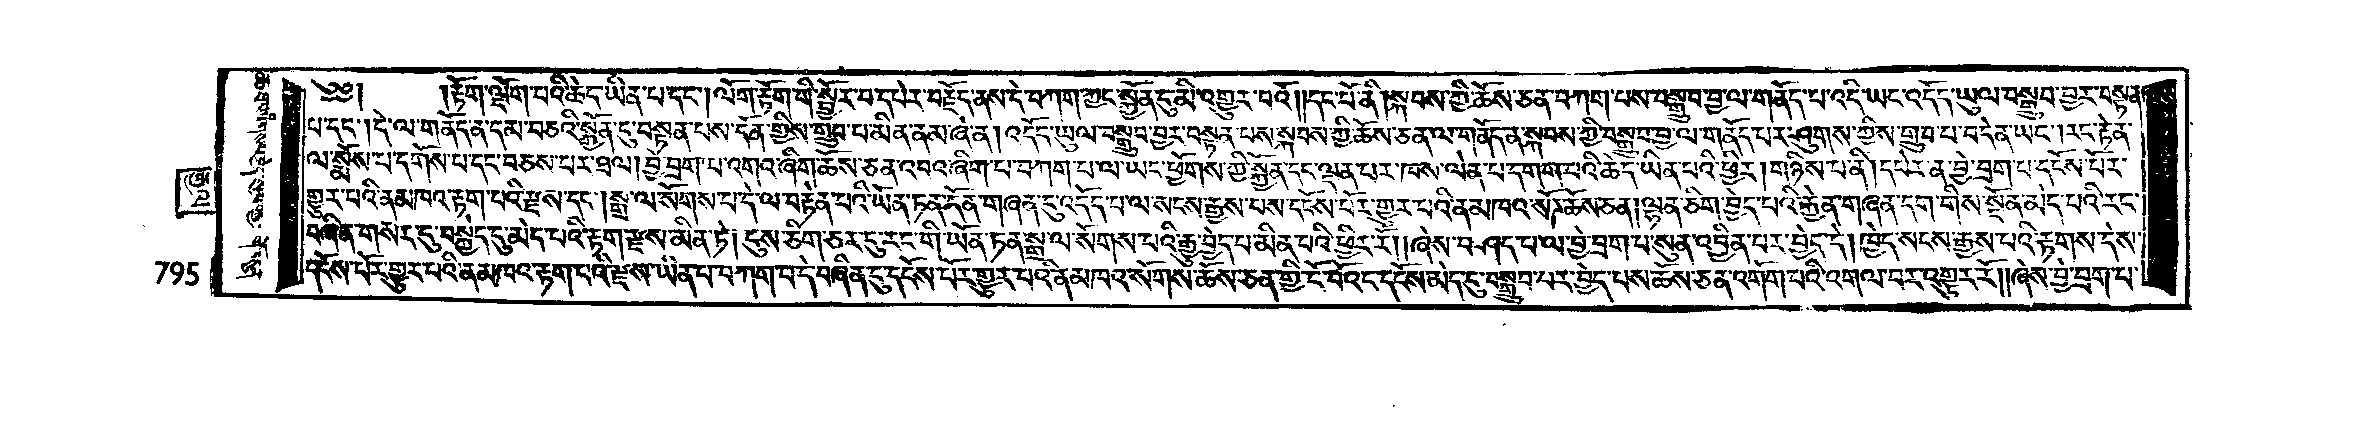༄༅། །རྟོག་ལྡོག་པའི་ཆེད་ཡིན་པ་དང་། ལོག་རྟོག་གི་སྦྱོར་བ་དཔེར་བརྗོད་ནས་དེ་བཀག་ཀྱང་སྐྱོན་དུ་མི་འགྱུར་བའོ། །དང་པོ་ནི། སྐབས་ཀྱི་ཆོས་ཅན་བཀག་པས་བསྒྲུབ་བྱ་ལ་གནོད་པ་འདི་ཡང་འདོད་ཡུལ་བསྒྲུབ་བྱར་བསྟན་
པ་དང་། དེ་ལ་གནོད་ན་དམ་བཅའི་སྐྱོན་དུ་བསྟན་པས་དོན་གྱིས་གྲུབ་པ་མིན་ནམ་ཞེ་ན། འདོད་ཡུལ་བསྒྲུབ་བྱར་བསྟན་པས་སྐབས་ཀྱི་ཆོས་ཅན་ལ་གནོད་ན་སྐབས་ཀྱི་བསྒྲུབ་བྱ་ལ་གནོད་པར་ཤུགས་ཀྱིས་གྲུབ་པ་བདེན་ཡང་། རང་རྟེན་
ལ་སྨོས་པ་དགོས་པ་དང་བཅས་པར་ཐལ། བྱེ་བྲག་པ་འགའ་ཞིག་ཆོས་ཅན་འབའ་ཞིག་པ་བཀག་པ་ལ་ཡང་ཕྱོགས་ཀྱི་སྐྱོན་དང་ལྡན་པར་ཁས་ལེན་པ་དགག་པའི་ཆེད་ཡིན་པའི་ཕྱིར། གཉིས་པ་ནི། དཔེར་ན་བྱེ་བྲག་པ་དངོས་པོར་
གྱུར་པའི་ནམ་མཁའ་རྟག་པའི་རྫས་དང་། སྒྲ་ལ་སོགས་པ་དེ་ལ་བརྟེན་པའི་ཡོན་ཏན་དོན་གཞན་དུ་འདོད་པ་ལ་སངས་རྒྱས་པས་དངོས་པོར་གྱུར་པའི་ནམ་མཁའ་སོགས་ཆོས་ཅན། ལྷན་ཅིག་བྱེད་པའི་རྐྱེན་གཞན་དག་གིས་སྔོན་མེད་པའི་རང་
བཞིན་གསར་དུ་བསྐྱེད་དུ་མེད་པའི་རྟག་རྫས་མིན་ཏེ། དུས་ཅིག་ཅར་དུ་རང་གི་ཡོན་ཏན་སྒྲ་ལ་སོགས་པའི་རྒྱུ་བྱེད་པ་མིན་པའི་ཕྱིར་རོ། །ཞེས་བཤད་པ་ལ་བྱེ་བྲག་པ་སུན་འབྱིན་པར་བྱེད་དེ། ཁྱེད་སངས་རྒྱས་པའི་རྟགས་དེས་
དངོས་པོར་གྱུར་པའི་ནམ་མཁའ་རྟག་པའི་རྫས་ཡིན་ཡིན་པ་གྐག་པ་དེ་གཞིན་དུ་དངོས་པོར་གྱུར་པའི་ནམ་མཁའ་སོགས་ཆོས་ཅན་གྱི་ངོ་བོའང་དངོས་མེད་དུ་བསྒྲུབ་པར་བྱེད་པས་ཆོས་ཅན་འགོག་པའི་འགལ་བར་འགྱུར་རོ། །ཞེས་བྱེ་བྲག་པ་